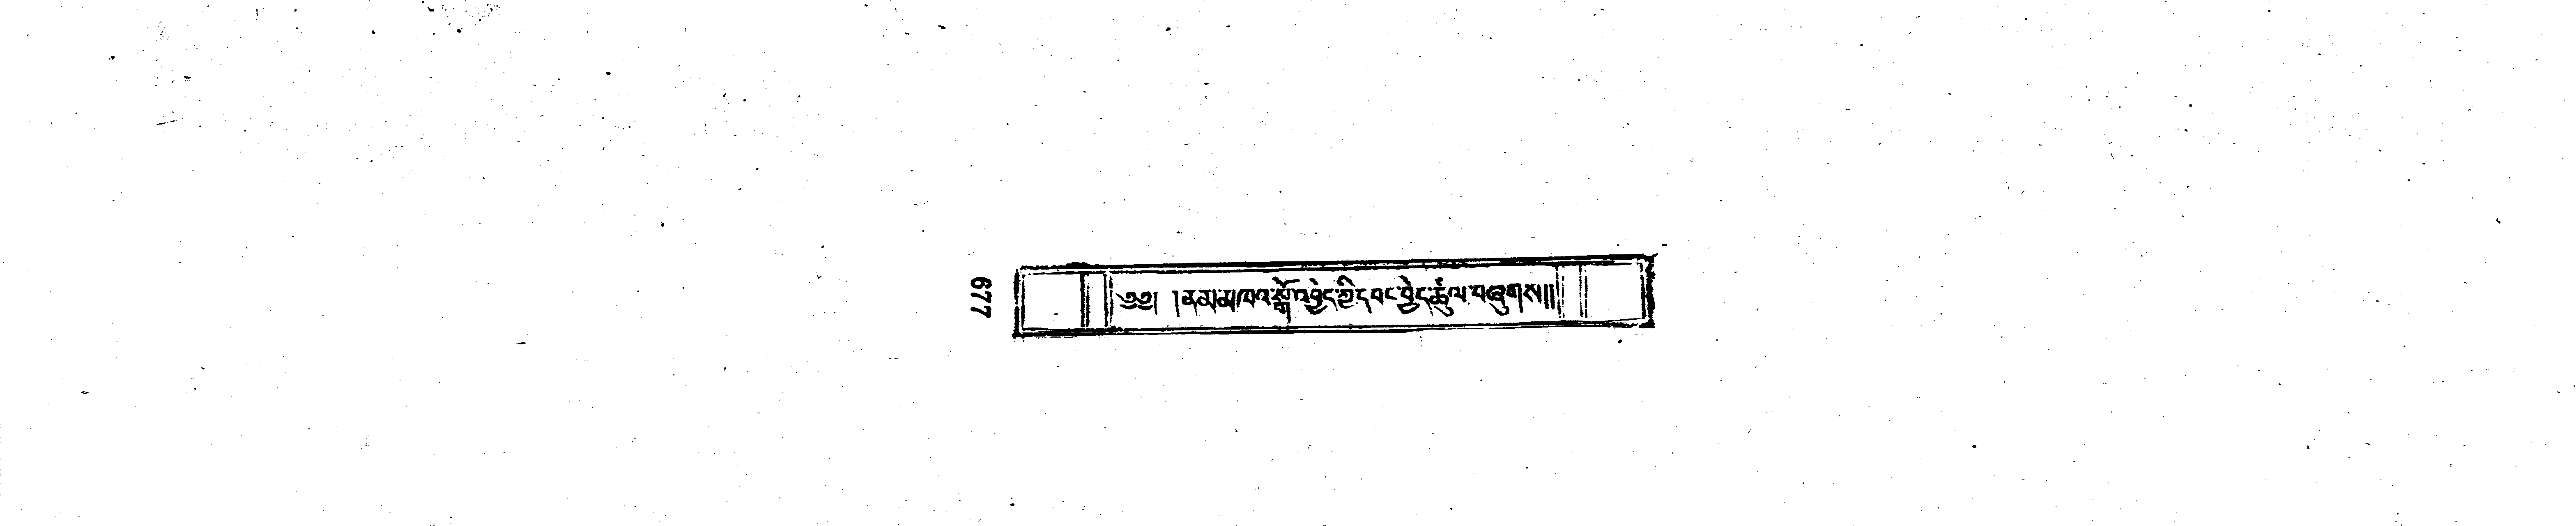༄༅། །ནམ་མཁའ་སྒོ་འབྱེད་ཀྱི་དབང་བྱེད་ཚུལ་བཞུགས། །